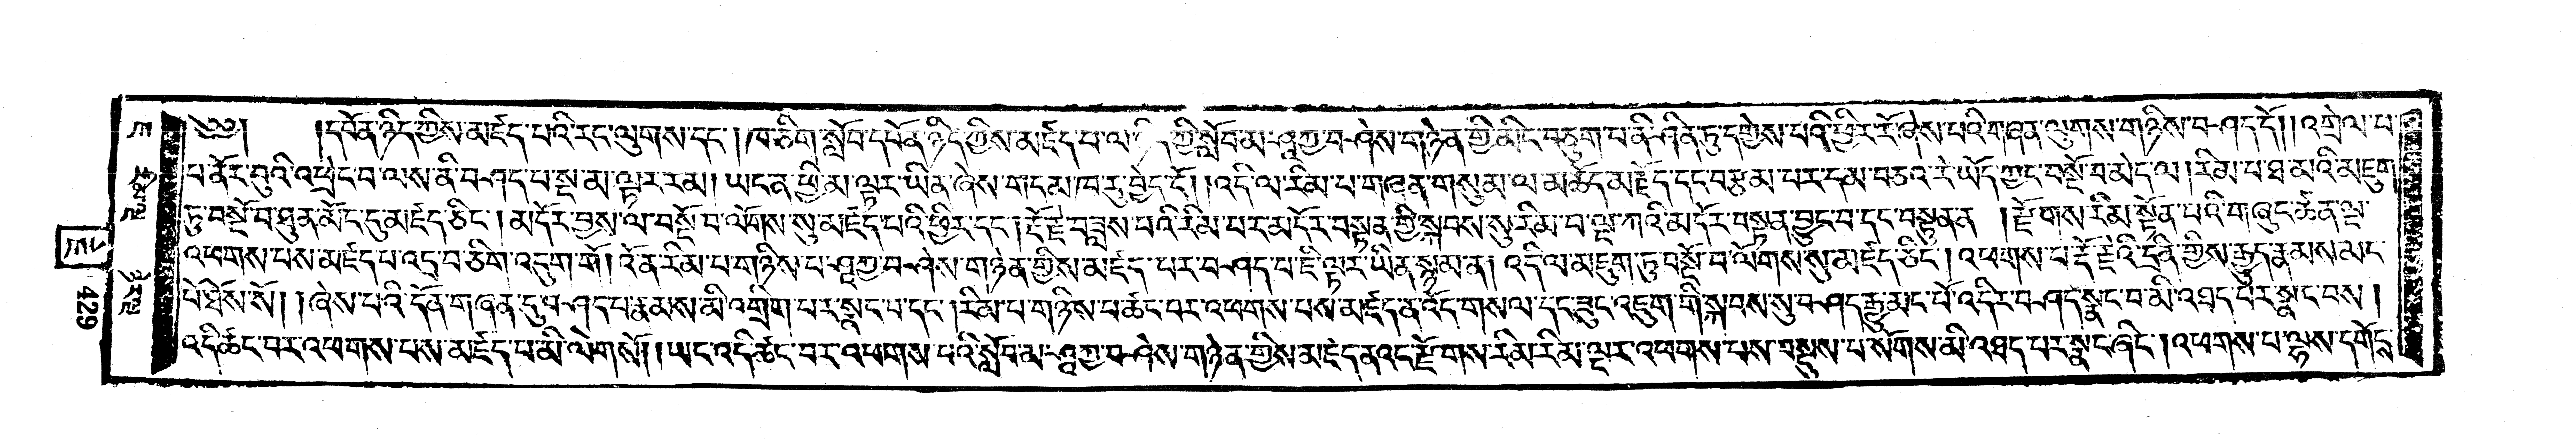༄༅། །དཔོན་ཉིད་ཀྱིས་མཛད་པའི་རང་ལུགས་དང་། ཁ་ཅིག་སློབ་དཔོན་ཉིད་ཀྱིས་མཛད་པ་ལ་ཉིད་ཀྱི་སློབ་མ་ཤཱཀྱ་བཤེས་གཉེན་གྱི་མིང་བཅུག་པ་ནི་ཤིན་ཏུ་དགྱེས་པའི་ཕྱིར་རོ་ཞེས་པའི་གཞན་ལུགས་གཉིས་བཤད་དོ། །འགྲེལ་པ་
པ་ནོར་བུའི་འཕྲེང་བ་ལས་ནི་བཤད་པ་སྔ་མ་ལྟར་རམ། ཡང་ན་ཕྱི་མ་ལྟར་ཡིན་ཞེས་གདམ་ཁ་རུ་བྱེད་དོ། །འདི་ལ་རིམ་པ་གཞན་གསུམ་ལ་མཆོད་མྲྗོད་དང་བརྩམ་པར་དམ་བཅའ་རེ་ཡོད་ཀྱང་བསྔོ་བ་མེད་ལ། རིམ་པ་ཐ་མའི་མཇུག་
ཏུ་བསྔོ་བ་ཐུན་མོང་དུ་མཛད་ཅིང་། མདོར་བྱས་ལ་བསྔོ་བ་ལོགས་སུ་མཛད་པའི་ཕྱིར་དང་། རྡོ་རྗེ་བཟླས་པའི་རིམ་པར་མདོར་བསྟན་གྱི་སྐབས་སུ་རིམ་པ་ལྔ་ཀའི་མདོར་བསྟན་བྱུང་བ་དང་བསྟུན་ན་།རྫོགས་རིམ་སྟོན་པའི་གཞུང་ཚན་ལྔ་
འཕགས་པས་མཛད་པ་འདྲ་བ་ཅིག་འདུག་གོ། འོ་ན་རིམ་པ་གཉིས་པ་ཤཱཀྱ་བཤེས་གཉེན་གྱིས་མཛད་པར་བཤད་པ་ཇི་ལྟར་ཡིན་སྙམ་ན། འདི་ལ་མཇུག་ཏུ་བསྔོ་བ་ལོགས་སུ་མཛད་ཅིང་། འཕགས་པ་རྡོ་རྗེའི་དྲིན་གྱིས་རྒྱུད་རྣམས་མང་
པོ་ཐོས་སོ། །ཞེས་པའི་དོན་གཞན་དུ་བཤད་པ་རྣམས་མི་འགྲིག་པར་སྣང་བ་དང་། རིམ་པ་གཉིས་པ་ཚང་བར་འཕགས་པས་མཛད་ན་འོད་གསལ་དང་ཟུང་འཇུག་གི་སྐབས་སུ་བཤད་རྒྱུ་མང་པོ་འདིར་བཤད་སྣང་བ་མི་འཐད་པར་སྣང་བས།
འདི་ཚང་བར་འཕགས་པས་མཛད་པ་མི་ལེགས་སོ། །ཡང་འདི་ཚང་བར་འཕགས་པའི་སློབ་མ་ཤཱཀྱ་བཤེས་གཉེན་གྱིས་མཛད་ནའང་རྫོགས་རིམ་རིམ་ལྔར་འཕགས་པས་བསྡུས་པ་སོགས་མི་འཐད་པར་སྣང་ཞིང་། འཕགས་པ་ལྷས་དགོངས་